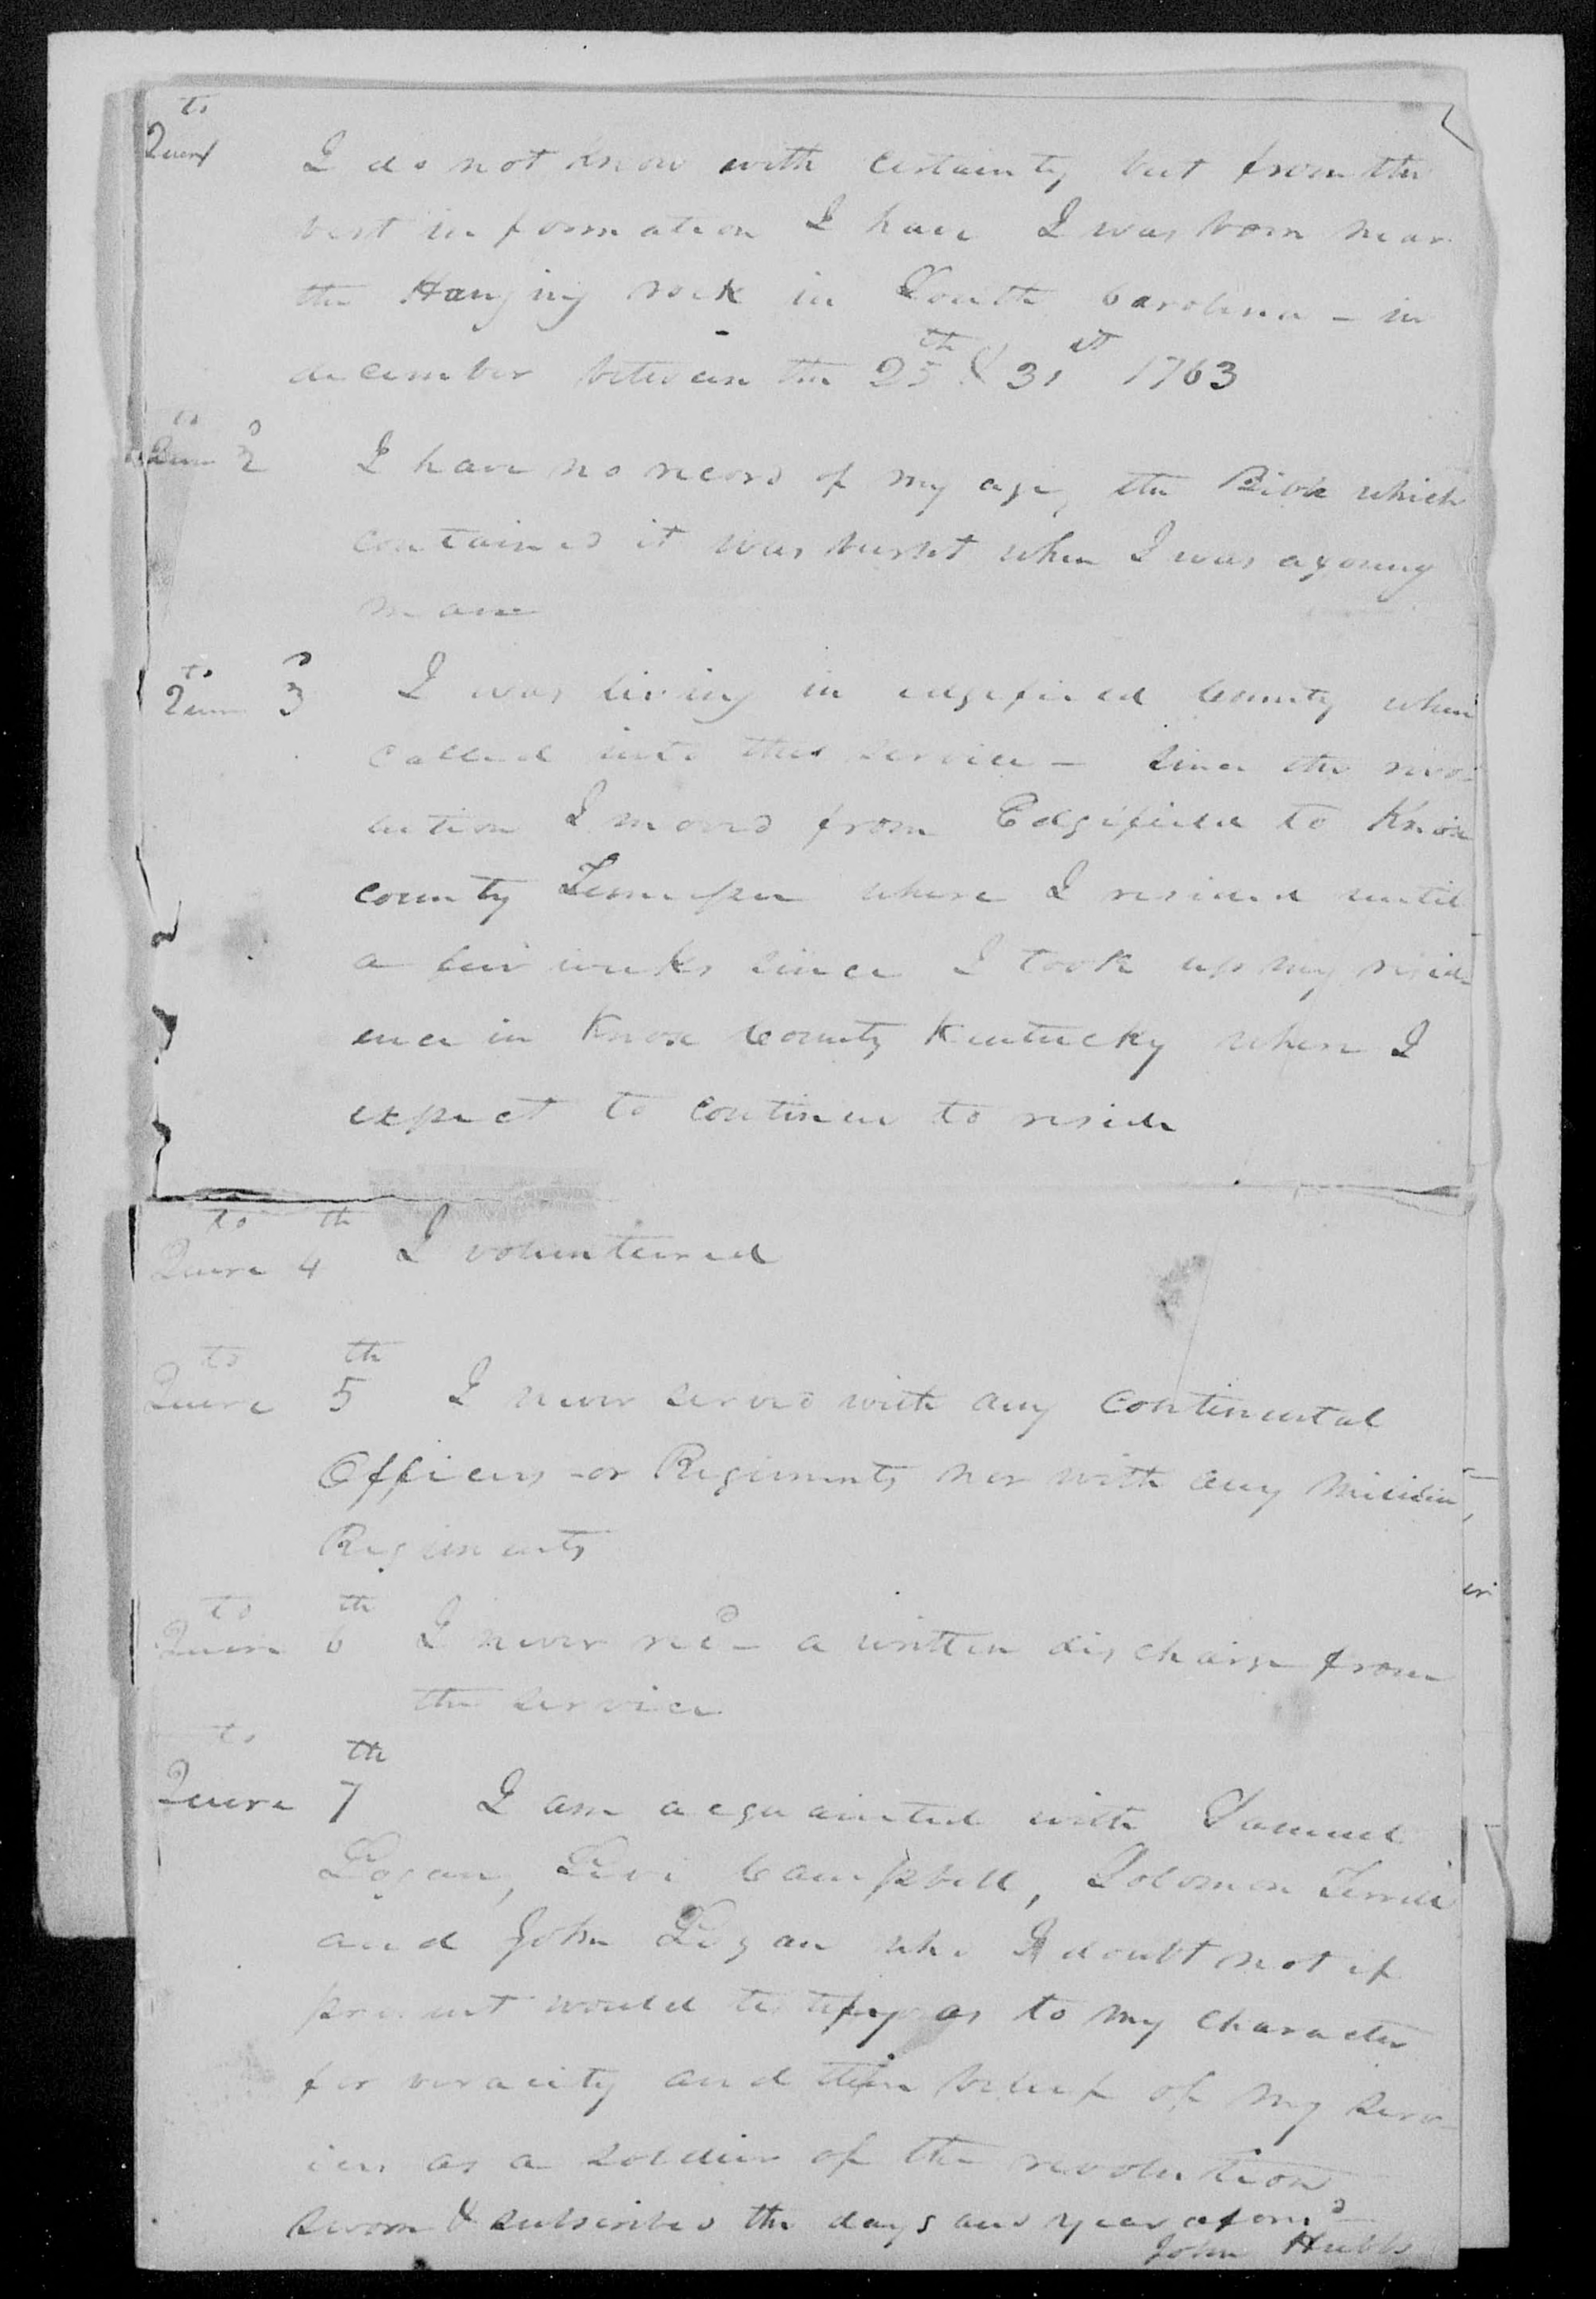Quest 1.  I do not know with certainty  but from the best information I have I was born near the hanging Rock in  South Carolina in  December between the  25th   & 31st 1763. Quest. 2. I have no record f my age , the Bible which contained it was burned when I was a young man. Quest. 3 . I was living in Edgefield County  when called into this service - since the revolution  I moved from Edgefield to Knox County Tennessee where I  remained until a  few weeks since  I took up my  residence in Knox County Kentucky  where I expect to continue to reside. Quest . 4. I volunteered. Quest . 5 . I never served with any Continental officers  or Regiments nor with any  Militia Regiments. Quest. 6.  I never rec'd a written discharge from the service. Quest . 7. I am acquainted with  Samuel Logan , Rev. Campbell, Solomon Lewill  and John Logan  who  I doubt  not if present  would testify as to my character  for veracity  and their belief of my services as a soldier of the revolution. Sworn  & subscribed the day and year aforesaid.  John Hubbs ( signed )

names: John Hubbs, John Layman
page: 8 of 86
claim: widow's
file: W. 1035, John Hubbs, S.C.